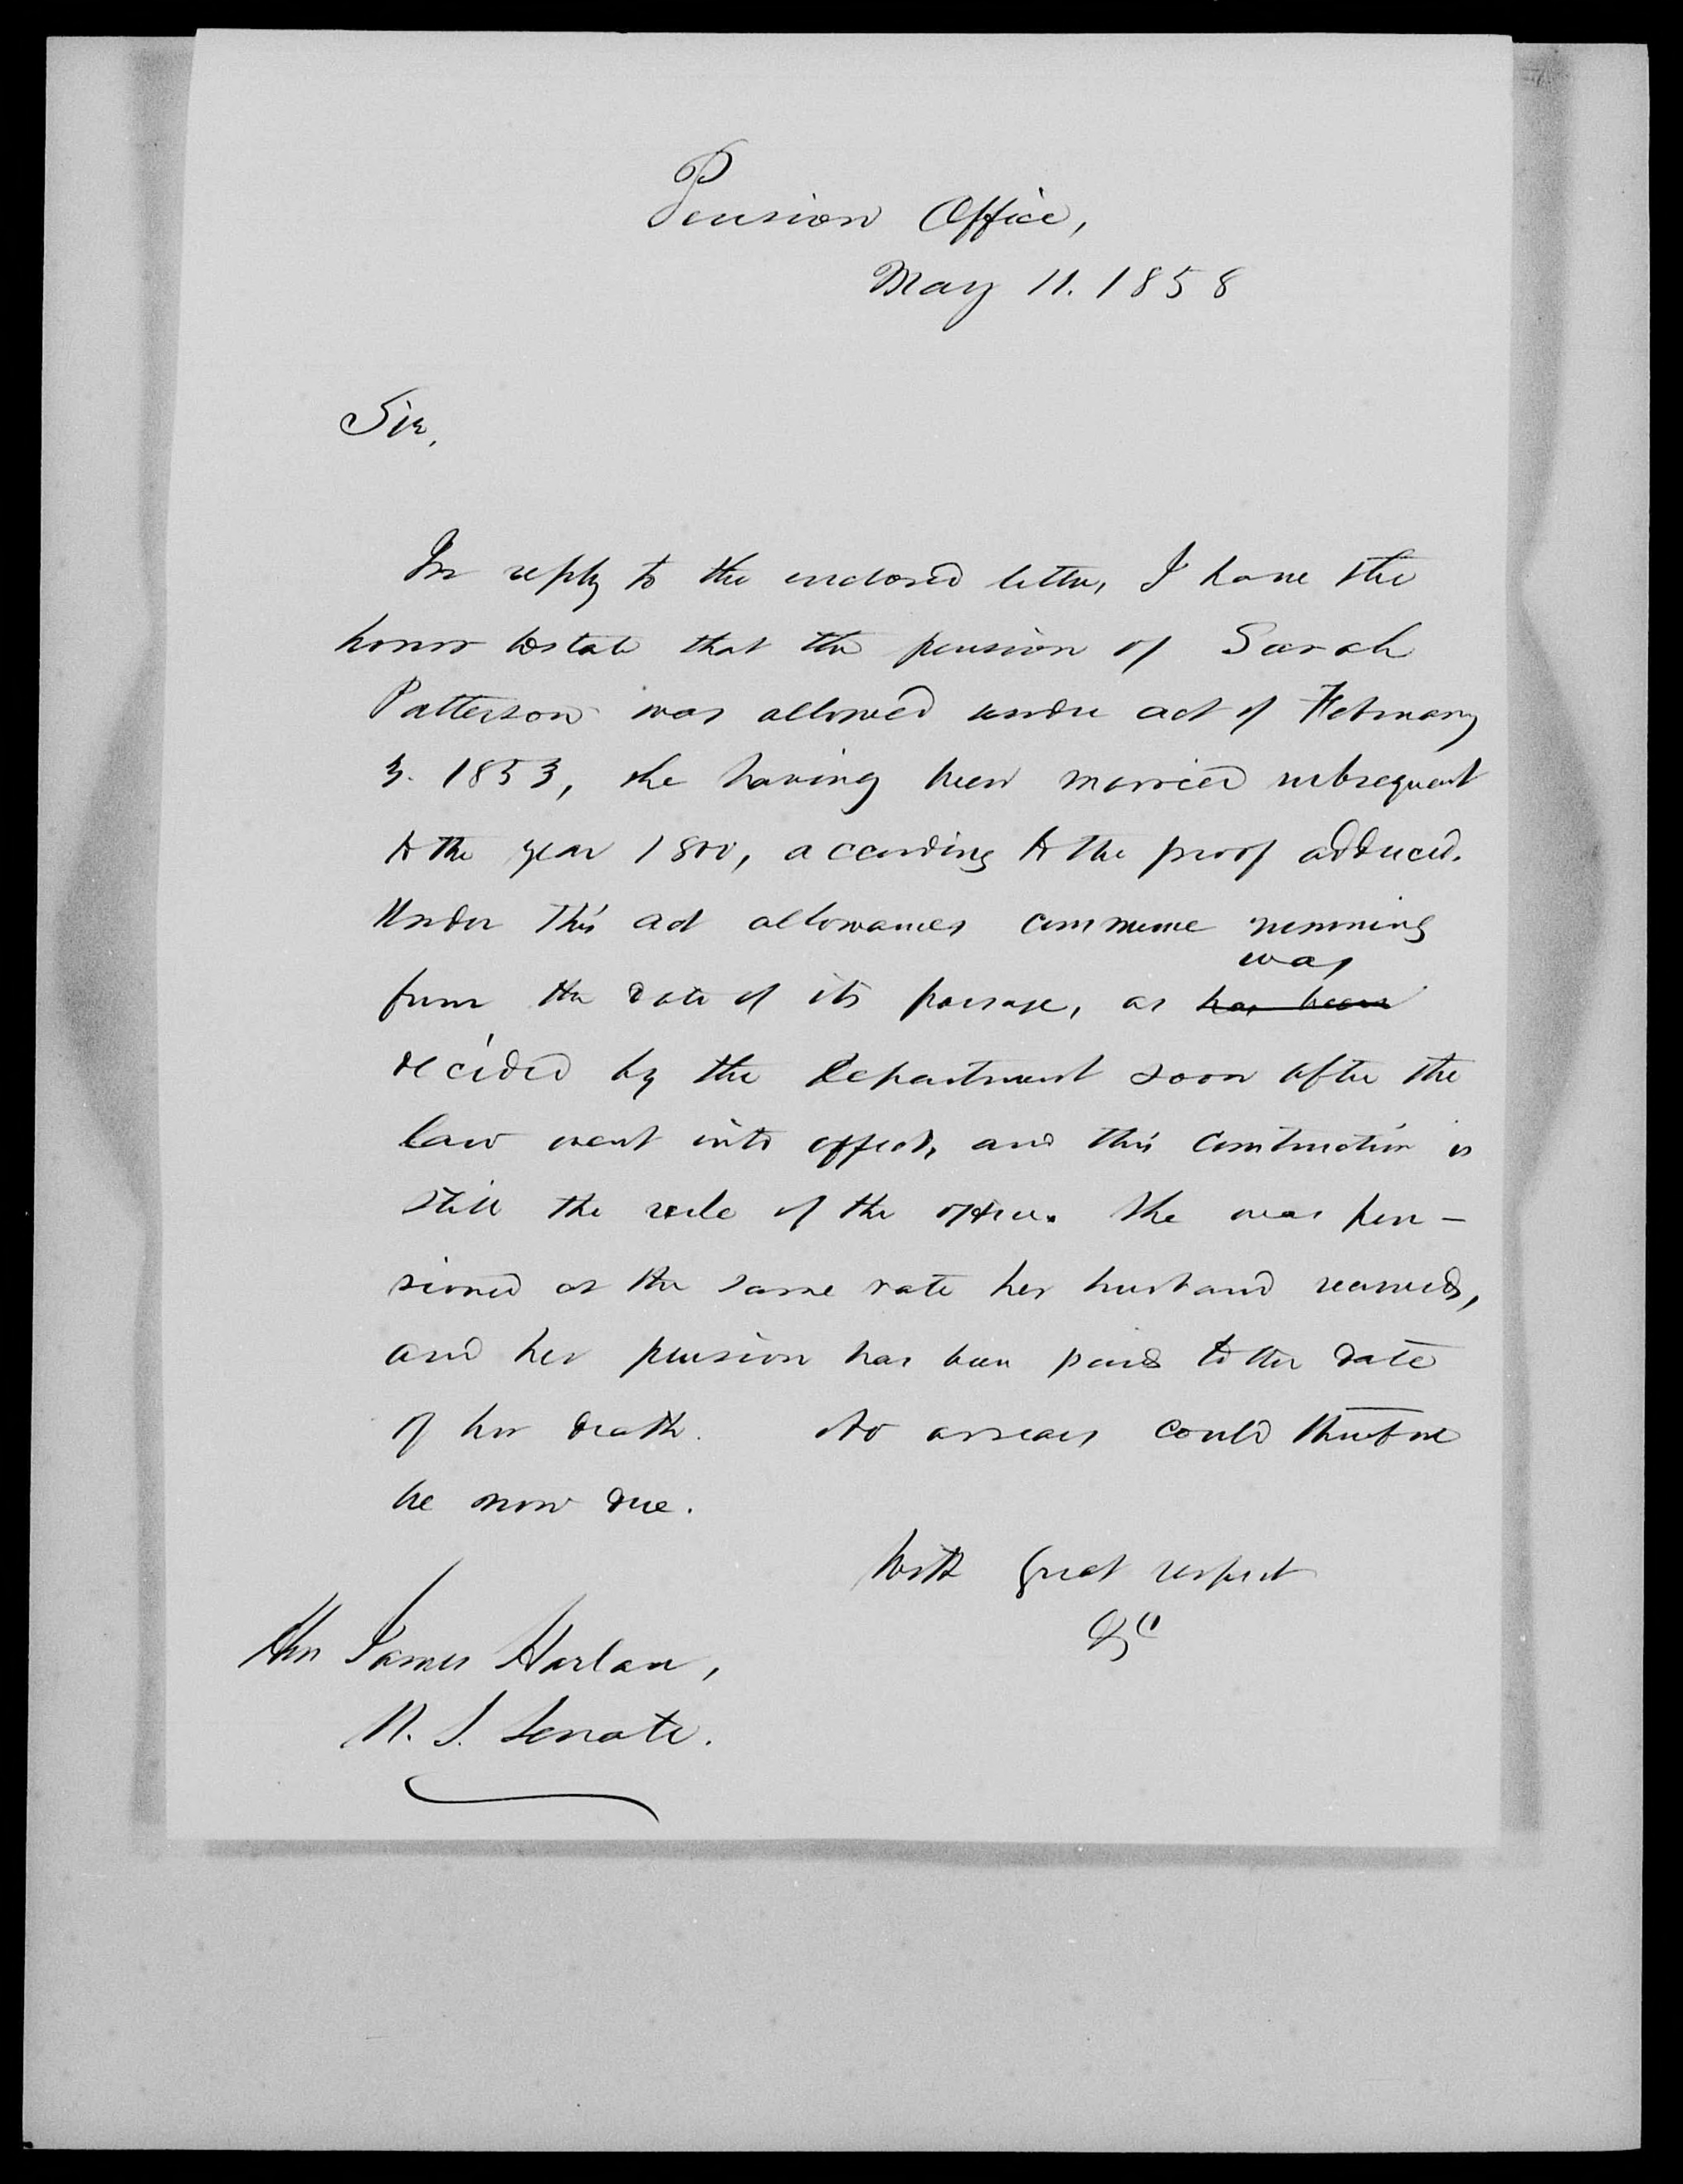In reply to the enclosed letter, I have the honor to state that the pension of Sarah Patterson was allowed under act of February 3. 1853, she having been married subsequent to the year 1800, according to the proof adduced under this act allowances commence running from the date of its passage, as was [illegible & crossed out he here] [illegible recided] by the department soon after the law went into effect, and this continuation is still the rule of the office. She was pensioned at the same rate her husband received, and her pension has been paid to the date of her death. No arrears could therefore be now due.
With great respect
[illegible JC]
Hon James Harlan
N. S. Senate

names: Sarah Patterson; James Harlan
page: 31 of 69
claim: widow's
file: W. 10861, for James Patterson, North Carolina